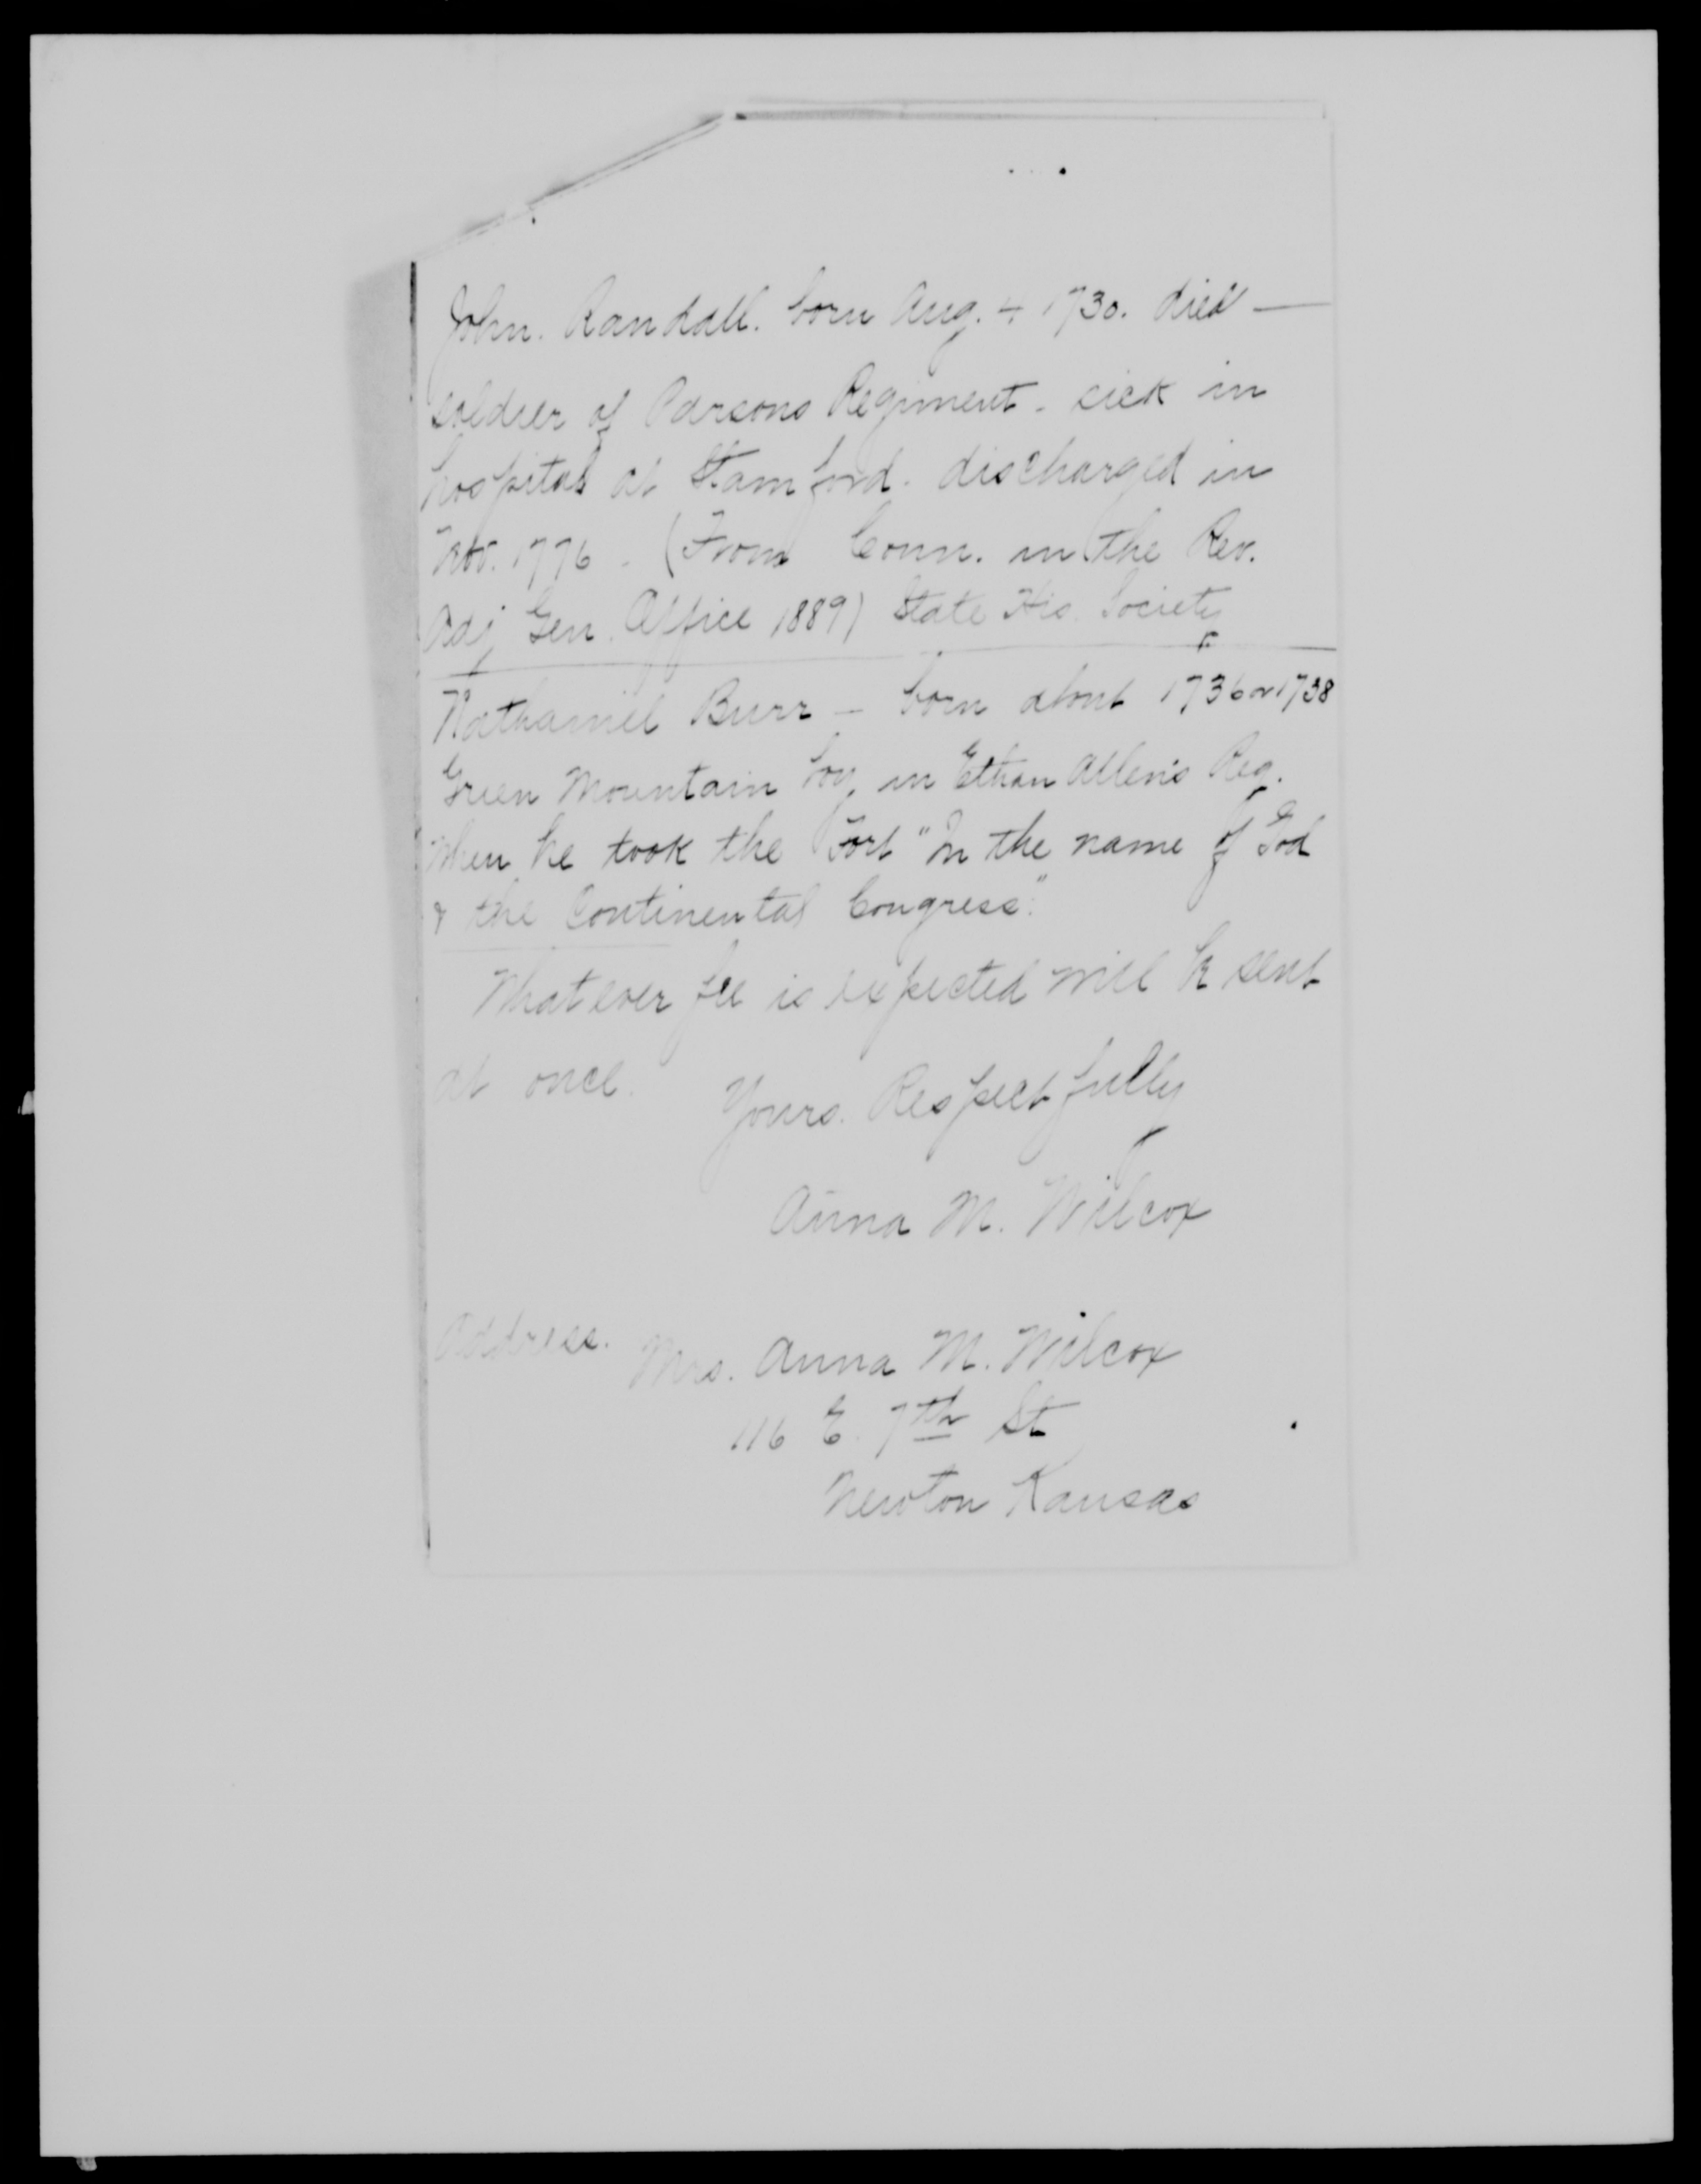John Randall. Born Aug. 4 1730. Died—Soldier of Parsons Regiment. Sick in hospital at Stamford. Discharged in Nov. 1776. (From Conn. in the Rev. Adj Gen Office 1889) State His Society
Nathaniel Burr—born about 1736 or 1738 Green Mountain NY in Ethan Allen’s Reg. When he took the Fort “In the name of God the Continental Congress.”
Whatever fee is expected will be sent at once.
Yours Respectfully
Anna M Wilcox
Address.
Mrs. Anna M. Wilcox
116 E 7th St
Newton, Kansas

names: Nathaniel Burr, Anna M Wilcox, John Randall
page: 40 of 46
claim: widow's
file: W. 18,417, James Willcox, Conn.